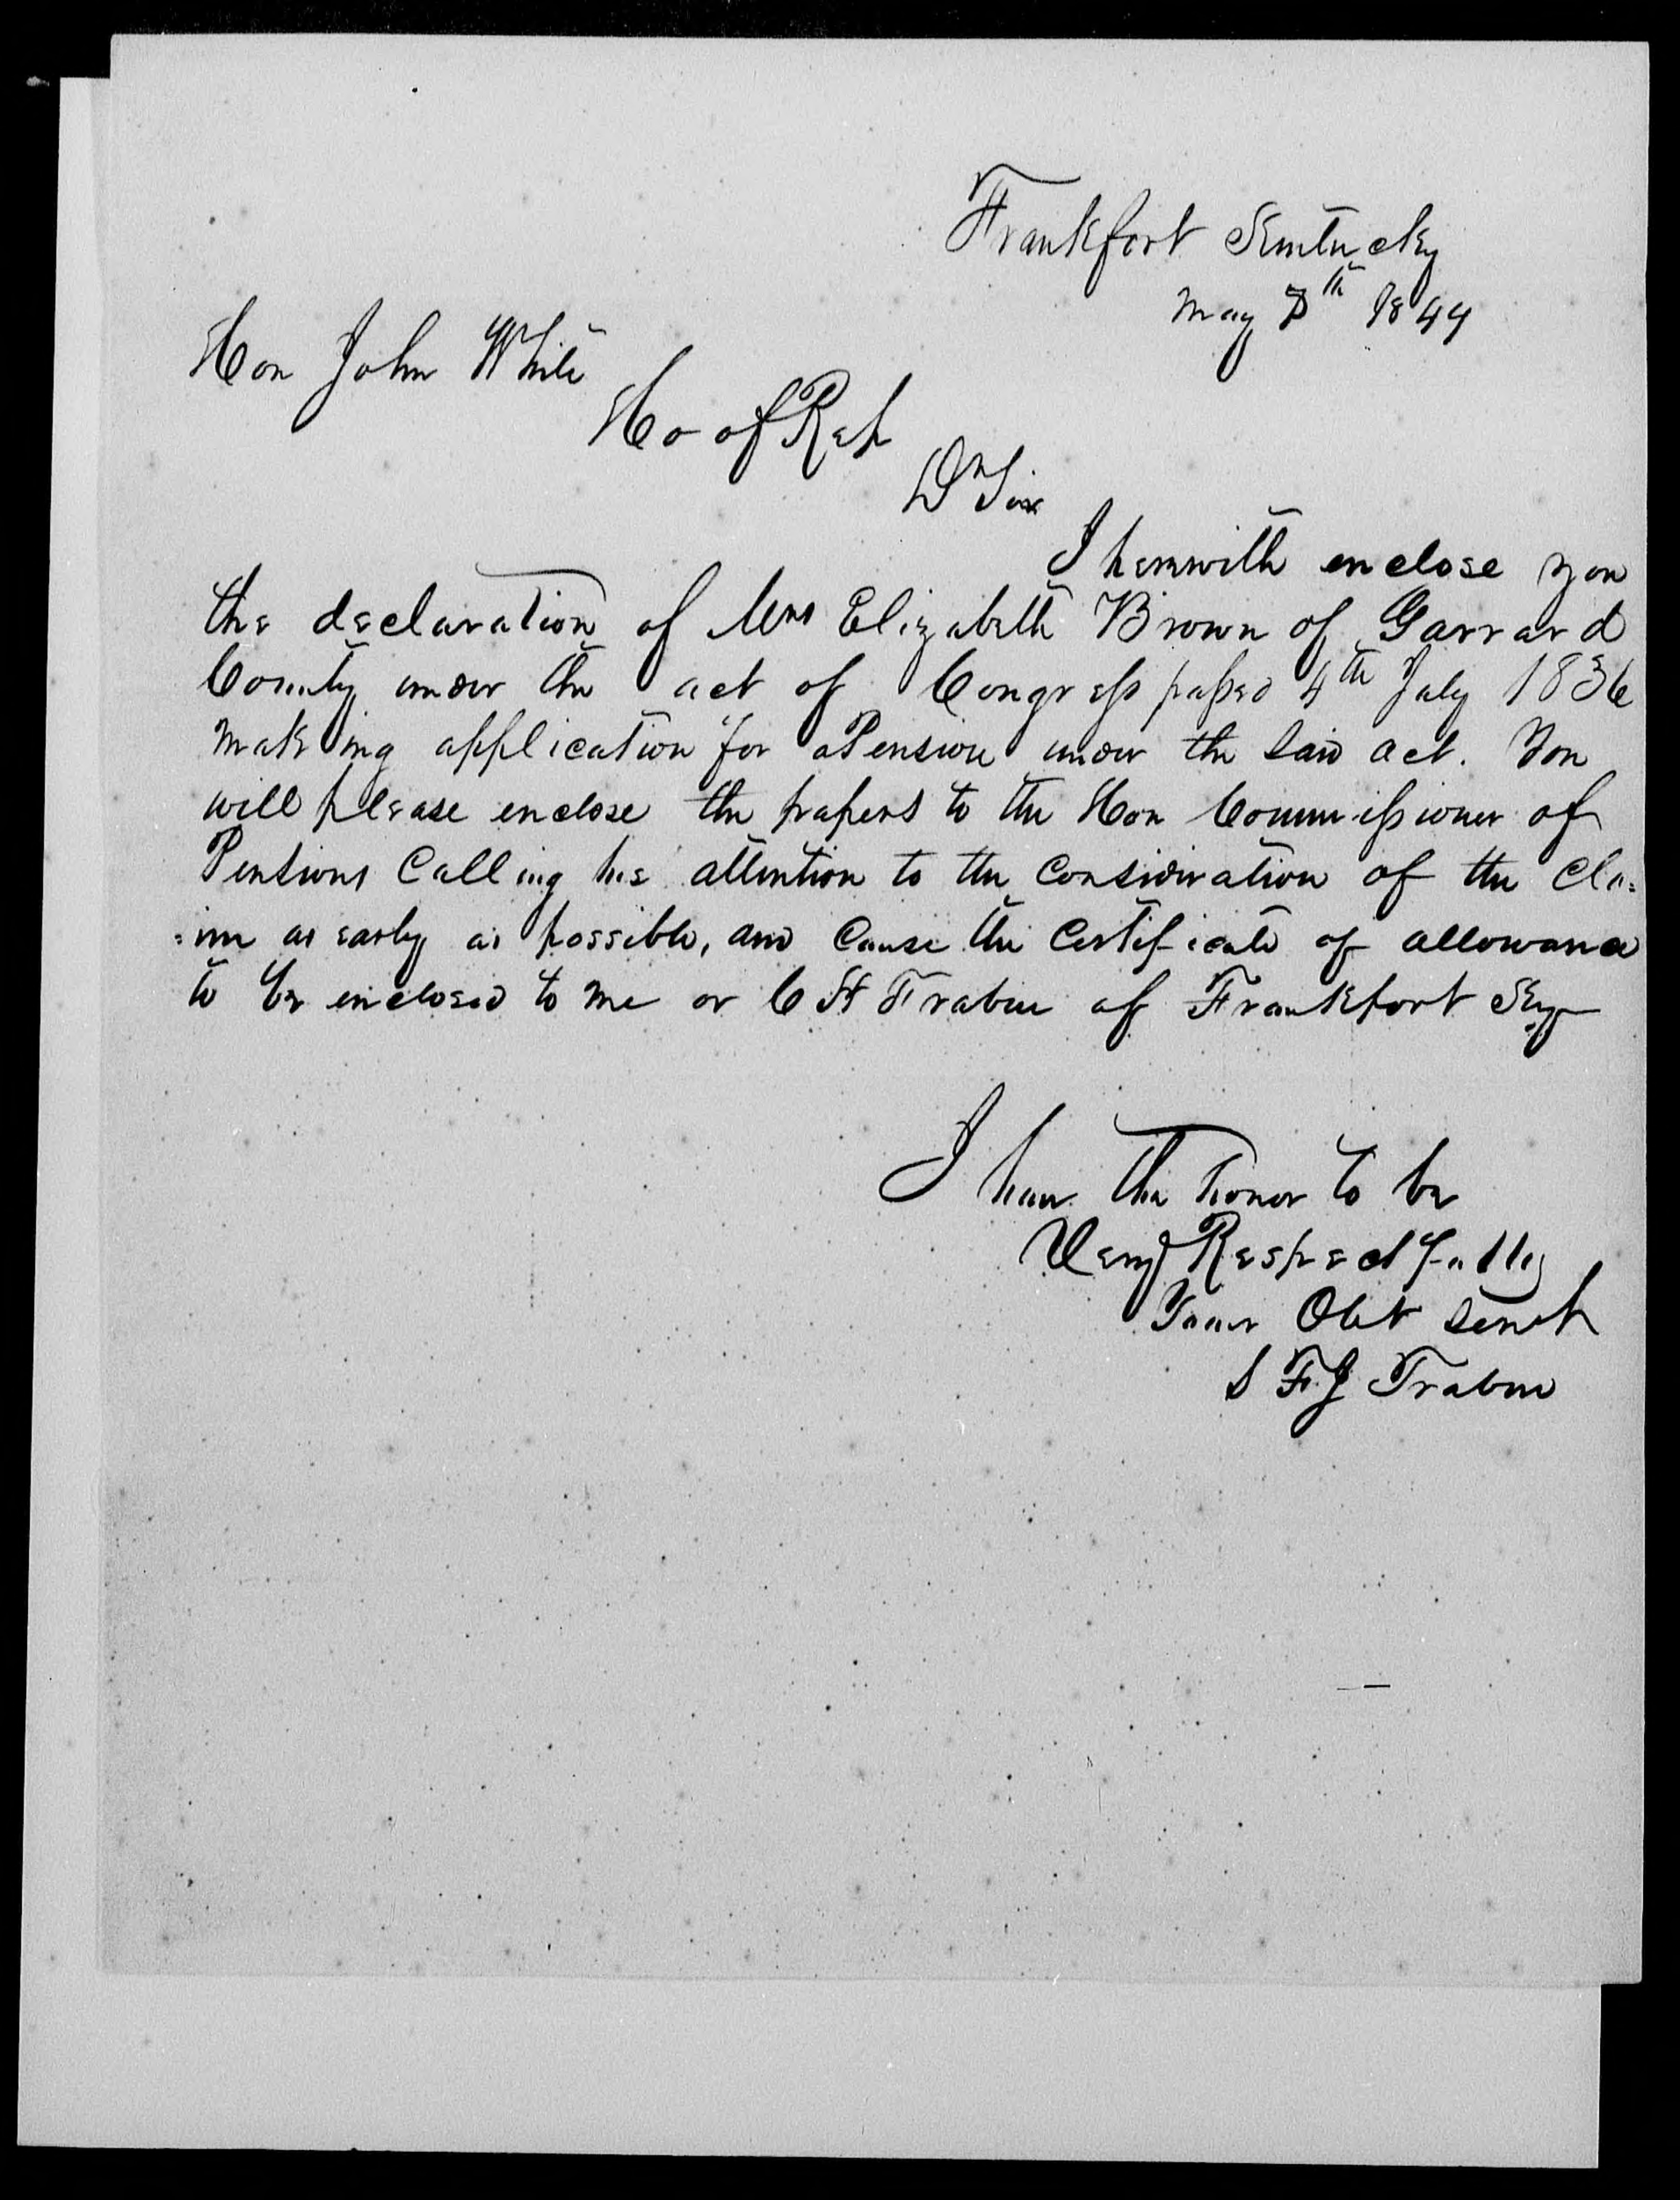Frankfort Kentucky
May 8th 1844

Con John While
Co of Red  D___

I hem with enclose you
the declaration of Mrs. Elizabeth Brown of
Garrard
County under the act of Congress papas 4th 
July 1836
making application for a Pension under the law act.  You
will please enclose the papers to the War commissioner of
Pensions Calling his attention to the 
consideration of the cla (unreadable)
in as early as possible, am cause the certification of allowance
to be enclosed to me or C ff Frabia of
Frankfort Ky.

I ---- the honor to be
--- Respectfully
Your Obt sen h
S F. J Trabon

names: S F J Trabin, John White, Elizabeth Brown, C H Frabin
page: 63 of 65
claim: widow's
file: W. 8384, Arabia Brown, Va.